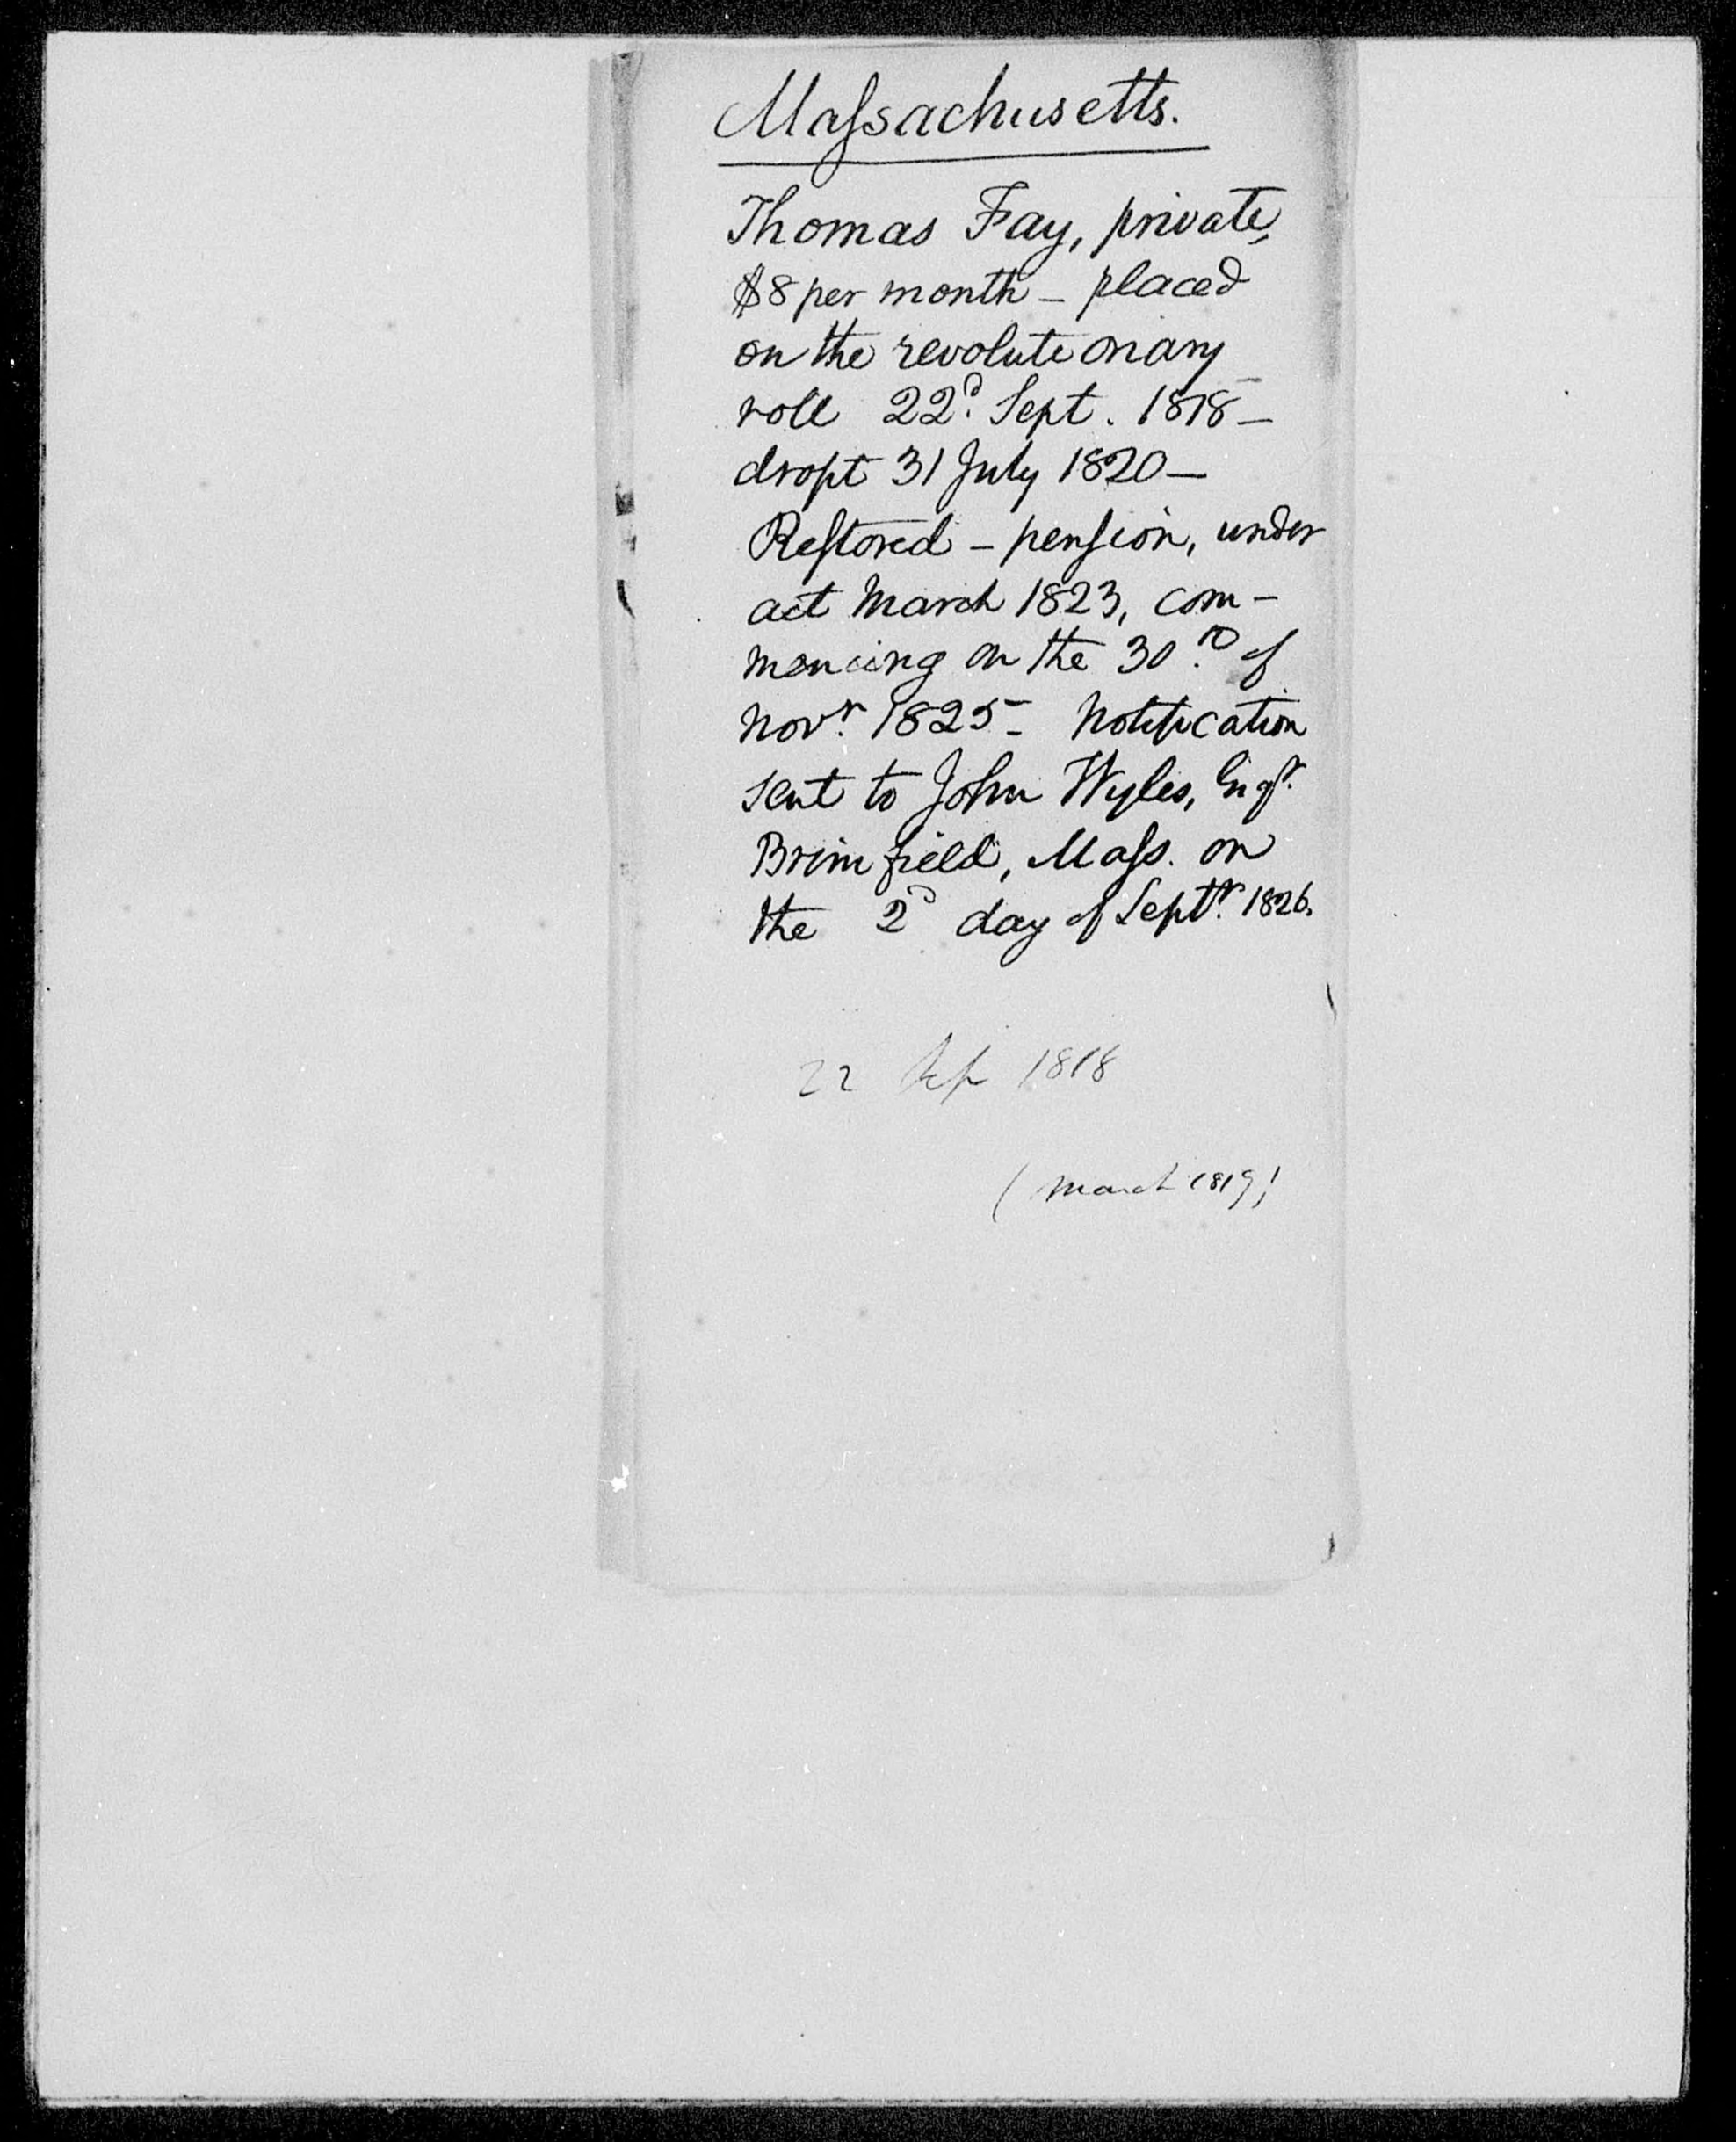Massachusetts

Thomas Fay, private, $8 per month - placed on the revolutionary roll 22nd Sept 1878 dropt 31 July 1820
Restored - pension, under act March 1823, commencing on the 30th of Nov. 1825 - Notification sent to John Wyles, Esqr. Brimfield, Mass. on the 2nd day of Septr. 1826


22 Sept 1818
(March 1819)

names: John Wyles, Thomas Fay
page: 15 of 31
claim: survivor's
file: S. 34,839, Thomas Fay, Mass.